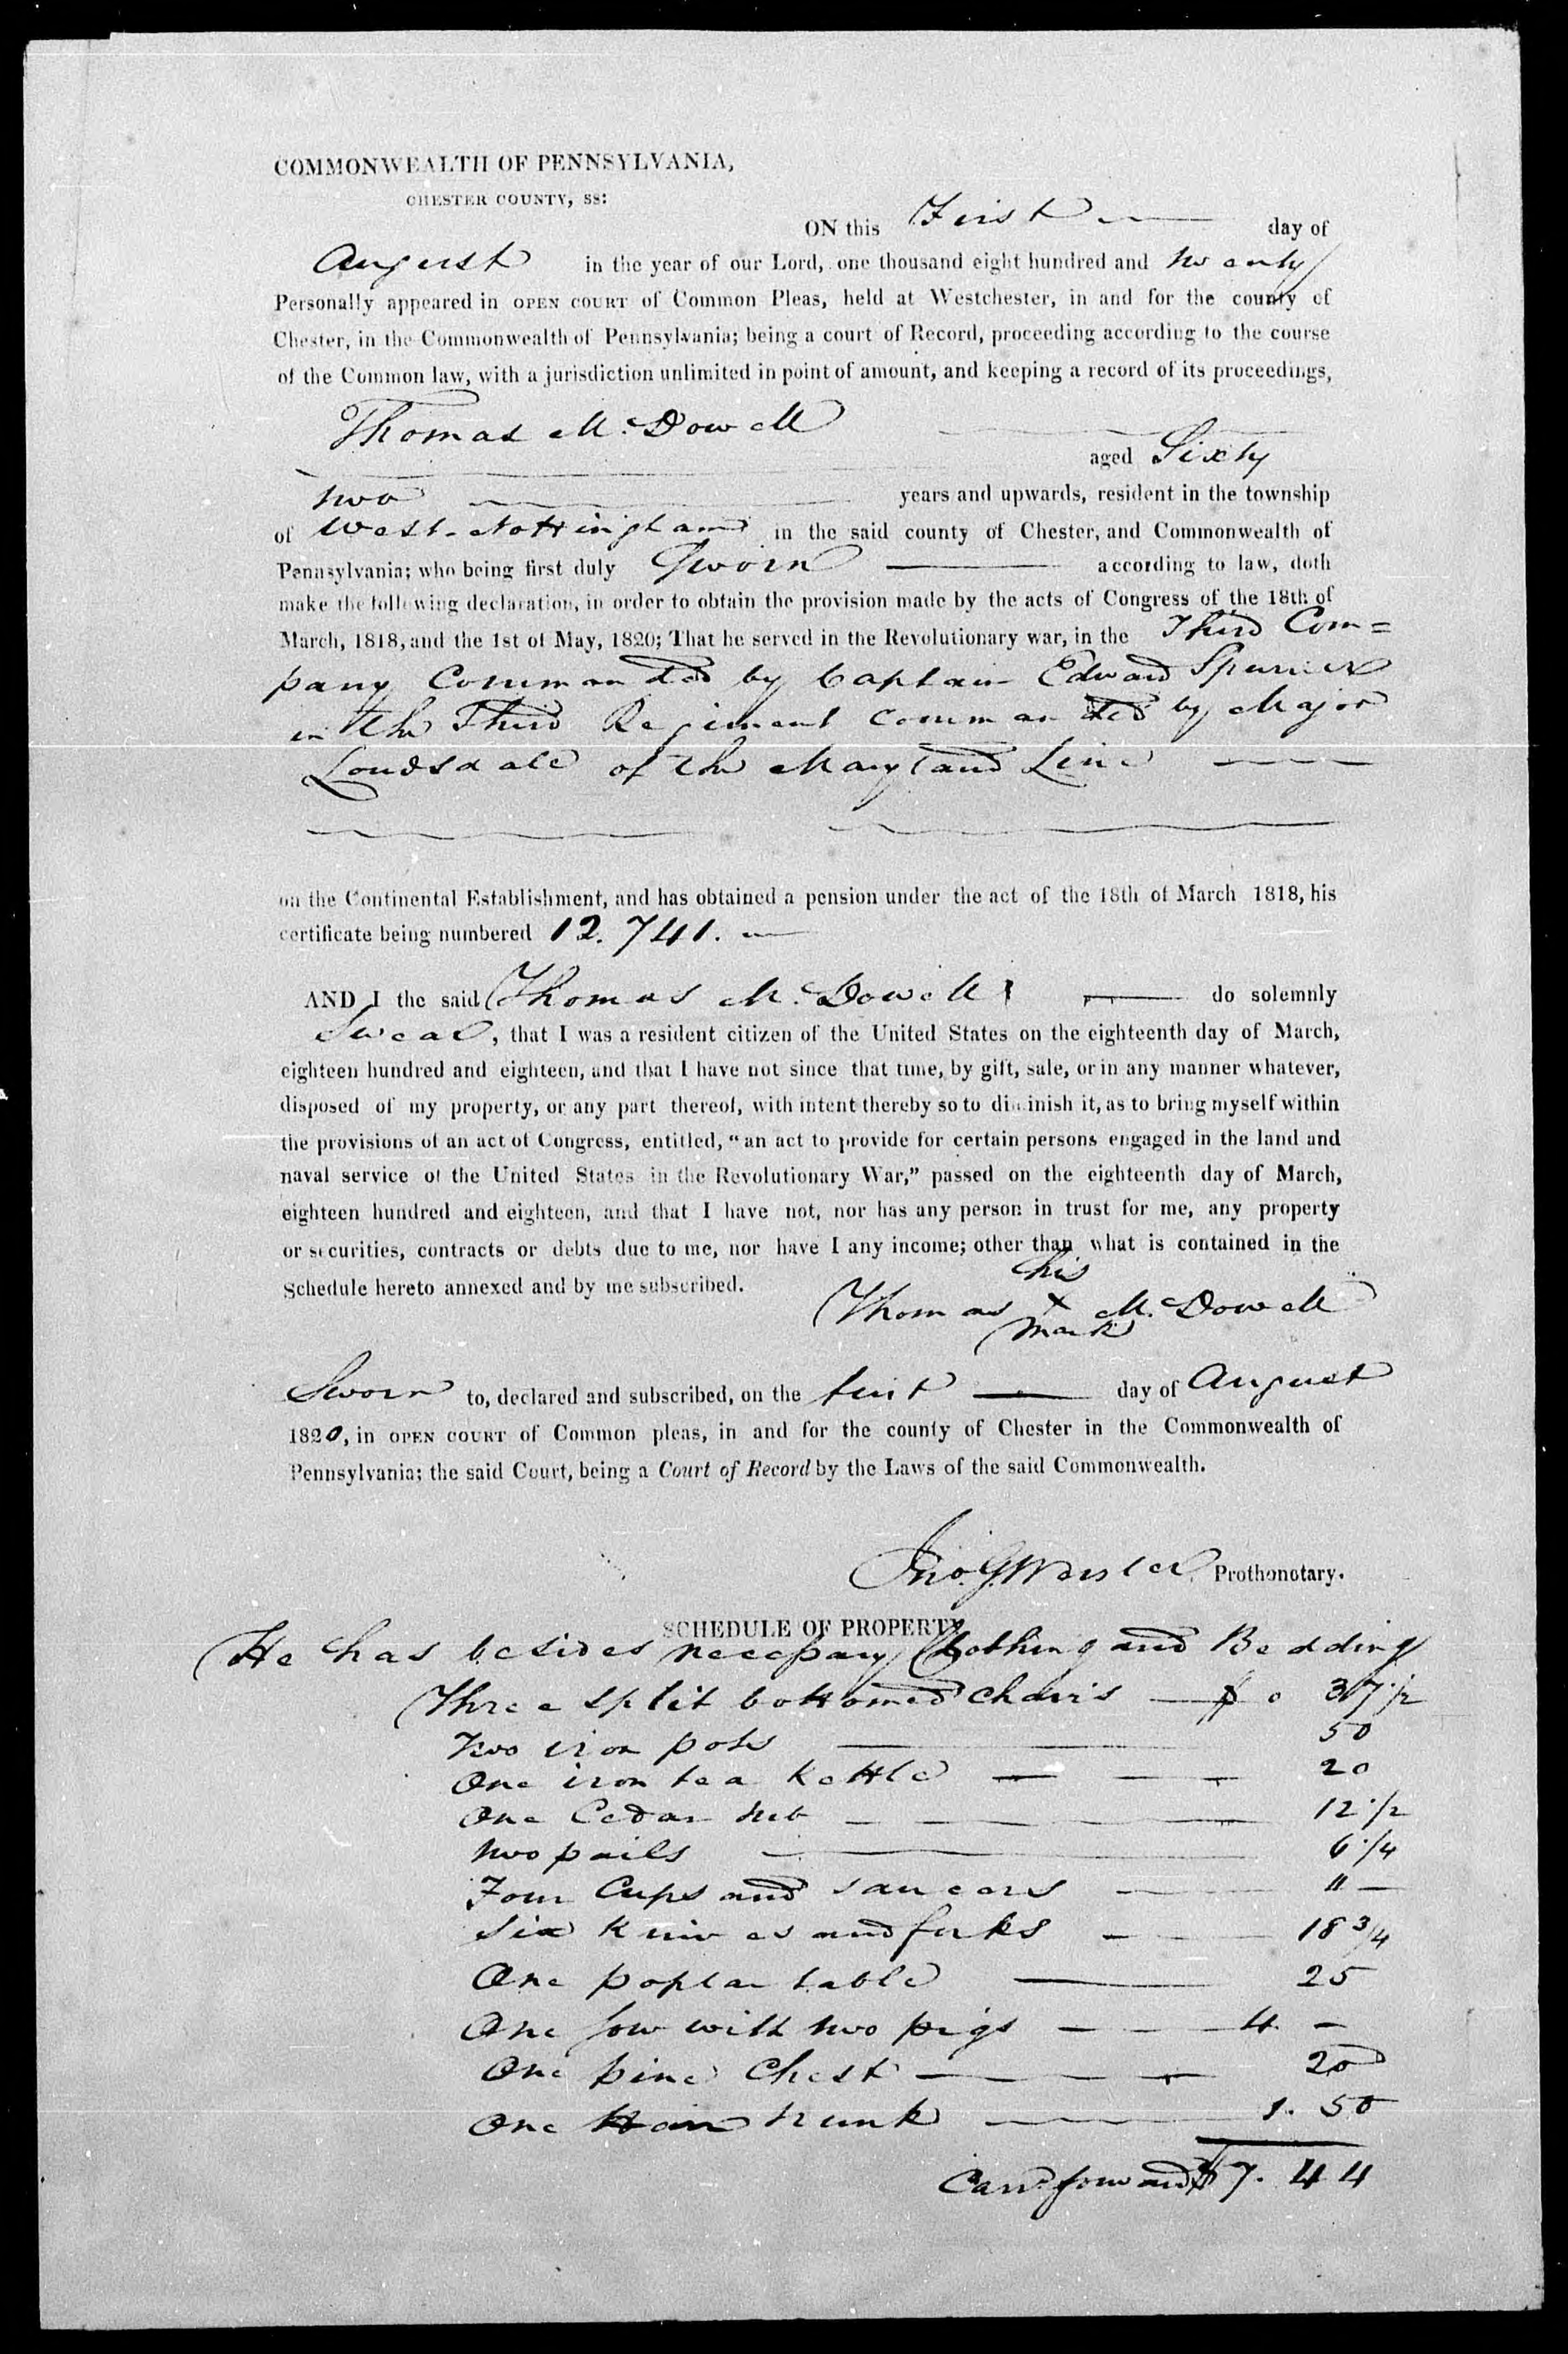Commonwealth of Pennsylvania
Chester County, SS:

On this first day of August in the year of our Lord one thousand eight hundred and twenty personally appeared in open court of Common Pleas held at Westchester in and for the county of Chester in the Commonwealth of Pennsylvania; being a court of record proceeding according to the course of the common law with a jurisdiction unlimited in point of amount and keeping a record of its proceedings Thomas McDowell aged sixty two years and upwards resident in the township of West Nottingham in the said county of Chester and Commonwealth of Pennsylvania who being first duly sword according to law doth make the following declaration in order to obtain the provision made by the acts of congress of the 18th of March, 1818 and the 1st of May, 1820 that he served in the Revolutionary war in the third company commanded by Captain Edward Spurrier in the thirst regiment commanded by Major Landsdale of the Maryland Line on the continental establishment and has obtained a pension under the act of the 18th of March 1818 his certificate being numbered 12741

And I the said Thomas McDowell do solemnly swear that I was a resident citizen of the United States on the eighteenth day of March eighteen hundred and eighteen and that I have not since that time by gift, sale or in any manner whatever, disposed of my property, or any part thereof with intent thereby so to diminish it as to bring myself within the provisions of an act of congress entitled "An act to provide for certain persons engaged in the land and naval service of the United States in the Revolutionary War" passed on the eighteen day of March eighteen hundred and eighteen and that I have not nor has any person in trust for me any property or securities, contracts or debts due to me nor have I any income other than what is contained in the scheduled hereto annexed and by me subscribed.

Thomas McDowell
His X Mark

Sworn to, declared, and subscribed on the first day of August 1820 in open court of Common pleas in and for the county of Chester in the Commonwealth of Pennsylvania; the said court being a court of record by the laws of the said Commonwealth.

Jno G Wersler - Prothonotary

Schedule Of Property

He has besides necessary clothes and bedding

Three split bottomed chairs - $0.375
Two iron Pots - $0.50
One iron tea kettle - $0.20
One cedar tub - $0.125
Two pails - $0.0625
Four Cups and saucers - $0.11
Six Knives and forks - $0.1875
One Poplar table - $0.25
One Sow with two pigs - $4.00
One pine chest - $2.00
One home trunk $1.50

$7.44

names: Thomas Mc Dowell; Edward Spurrier; Jno G Wersler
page: 17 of 63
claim: widow's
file: W 2957, for Thomas Mc Dowell, Maryland